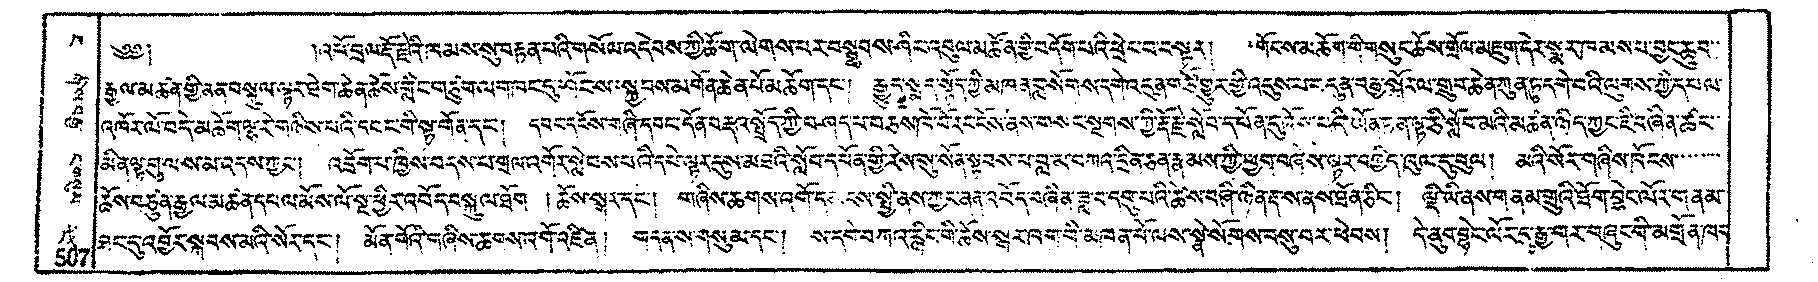༄༅། །འཕོ་བྲལ་རྡོ་རྗེའི་ཁམས་སུ་བརྟན་པའི་གསོལ་འདེབས་ཀྱི་ཆོ་ག་ལེགས་པར་བསྒྲུབས་ཤིང་འབུལ་མཚོན་གྱི་བདོག་པའི་ཕྲེང་བ་བསྟར། ༧གོང་ས་མཆོག་གི་གསུང་ཆོས་གྲོལ་མཇུག་དེར་སྨར་ཁམས་པ་བྱང་ཆུབ་
རྒྱལ་མཚན་གྱི་ནན་བསྐུལ་ལྟར་ཐེག་ཆེན་ཆོས་གླིང་གཙུག་ལག་ཁང་དུ་༧གོང་ས་༧སྐྱབས་མགོན་ཆེན་པོ་མཆོག་དང་། རྒྱུད་གྲ་སྨད་སྟོད་ཀྱི་མཁན་བླ་སོགས་དགེ་འདུན་གཙོ་གྱུར་གྱི་འདུས་པ་བདུན་བརྒྱ་སྐོར་ལ་གྲུབ་ཆེན་ཀུན་ཏུ་དགེ་བའི་ལུགས་ཀྱི་དཔལ་
འཁོར་ལོ་བདེ་མཆོག་ལྷ་རེ་གཉིས་པའི་དབང་གི་སྟ་གོན་དང་། དབང་དངོས་གཞི་དབང་དོན་བརྡའ་སྤྲོད་ཀྱི་བཤད་པ་བཅས་ཁོ་བོ་རང་ངོས་ནས་གསང་སྔགས་ཀྱི་རྡོ་རྗེ་སློབ་དཔོན་དུ་འོས་པའི་ཡོན་ཏན་ལྟ་ཅི་སློབ་མའི་མཚན་ཉིད་ཀྱང་ཇི་བཞིན་ཚང་མིན་ལྟ་བུ་ལས་མ་འདས་ཀྱང་། འབྲོག་པ་ཁྱིས་བདས་པ་གྲལ་འགོར་སླེབས་པའི་དཔེ་ལྟར་དུས་མཐའི་སློབ་དཔོན་གྱི་རེས་སུ་སོན་སྟབས་ཕ་བླ་མ་བཀའ་དྲིན་ཅན་རྣམས་ཀྱི་ཕྱག་བཞེས་ལྟར་བགྱིད་ཁུལ་དུ་ཕུལ། མའི་སོར་གཞིས་ཁོངས་
ཆོས་བཙུན་རྒྱལ་མཚན་དཔལ་མོས་ལོ་སྔ་ཕྱིར་འབོད་བསྐུལ་ཐོག །ཆོས་སྒར་དང་། གཞིས་ཆགས་འགོ་དམངས་སྤྱི་ནས་ཀྱང་ནན་འབོད་བཞིན་ཟླ་བ་དགུ་པའི་ཚེས་བཞི་ཉིན་རྡ་ས་ནས་ཐོན་ཅིང་། ལྡི་ལི་ནས་གནམ་གྲུའི་ཐོག་བྷེང་ལོར་གནམ་
ཐང་དུ་འབྱོར་སྐབས་མའི་སོར་དང་། མོན་གོའི་གཞིས་ཆགས་འགོ་འཛིན། གདན་ས་གསུམ་དང་། ས་དགེ་བཀའ་རྙིང་གི་ཆོས་སྒར་ཁག་གི་མཁན་པོ་ལས་སྣེ་སོགས་བསུ་བར་ཕེབས། དེ་ནུབ་བྷེང་ལོར་དུ་རྒྱ་གར་གཞུང་གི་མགྲོན་ཁང་